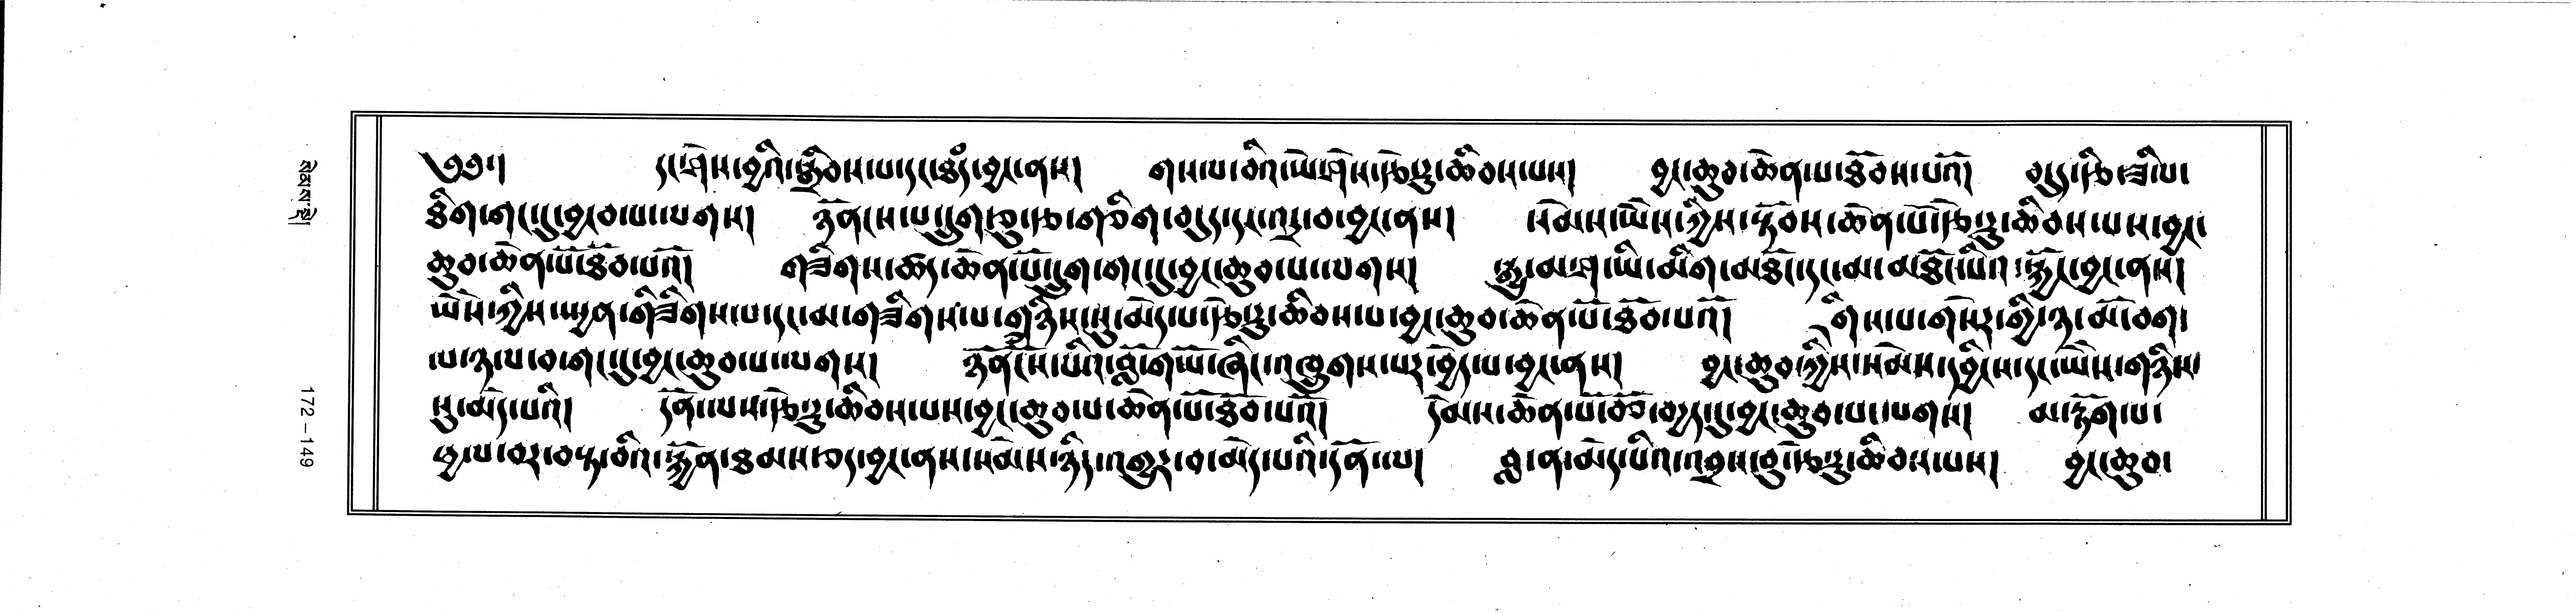དང་ཤེས་བྱའི་སྒྲིབས་པ་དང་ཐམས་ཅད་བྱང་ནས། གསལ་བའི་ཡེ་ཤེས་རྩེ་རུ་ཆིབས་པས་བྱང་ཆུབ་ཆེན་པོ་ཐོབ་པའོ། བདུད་རྩི་ཟིལ་
ཐིག་གང་དུ་བྱང་ཆུབ་པ་ལགས། ཉོན་མོངས་པ་དྲུག་ཅུ་རྩ་གཅིག་བདུད་དང་འདྲ་བ་བྱང་ནས། སེམས་ཡེ་ཤེས་ཀྱིས་སྟོབས་ཆེན་པོ་རྩེ་རུ་ཆིབས་པས་བྱང་
ཆུབ་ཆེན་པོ་ཐོབ་པའོ། གཟིགས་ཚད་ཆེན་པོ་དྲུག་གང་དུ་བྱང་ཆུབ་པ་ལགས། སྒྱུ་མ་ཤ་ཡི་མིག་མཐོང་དང་མ་ཐོང་པའི་སྐྱོན་བྱང་ནས། 
ཡེ་ཤེས་ཀྱིས་སྤྱན་གི་གཟིགས་དང་མ་གཟིགས་པ་གཉིས་སུ་མེད་པ་རྩེ་རུ་ཆིབས་པ་བྱང་ཆུབ་ཆེན་པོ་ཐོབ་པའོ། གིས་པ་གསེར་གྱི་ཉ་མོ་བག་
ལ་ཉལ་བ་གང་དུ་བྱང་ཆུབ་པ་ལགས། ཉོན་མོངས་པའི་བློ་གཡོ་ཞིང་འཁྲུགས་པར་བྱེད་པ་བྱང་ནས། བྱང་ཆུབ་ཀྱིས་སེམས་དབྱིངས་དང་ཡེ་ཤེས་གཉིས་
སུ་མེད་པའི། དོན་ལས་རྩེ་རུ་ཆིབས་པས་བྱང་ཆུབ་ཆེན་པོ་ཐོབ་པའོ། དེམས་ཆེན་པོ་བཅོ་བརྒྱད་དུ་བྱང་ཆུབ་པ་ལགས། མ་རྟོགས་པ་
ཕྱལ་བར་བལྟ་བའི་སྐྱོན་ཐམས་ཅད་བྱང་ནས་སེམས་ཉིད་འགྱུར་བ་མེད་པའི་དོན་ལ། བླ་ན་མེད་པའི་འབྲས་བུ་རྩེ་རུ་ཆིབས་པས། བྱང་ཆུབ་